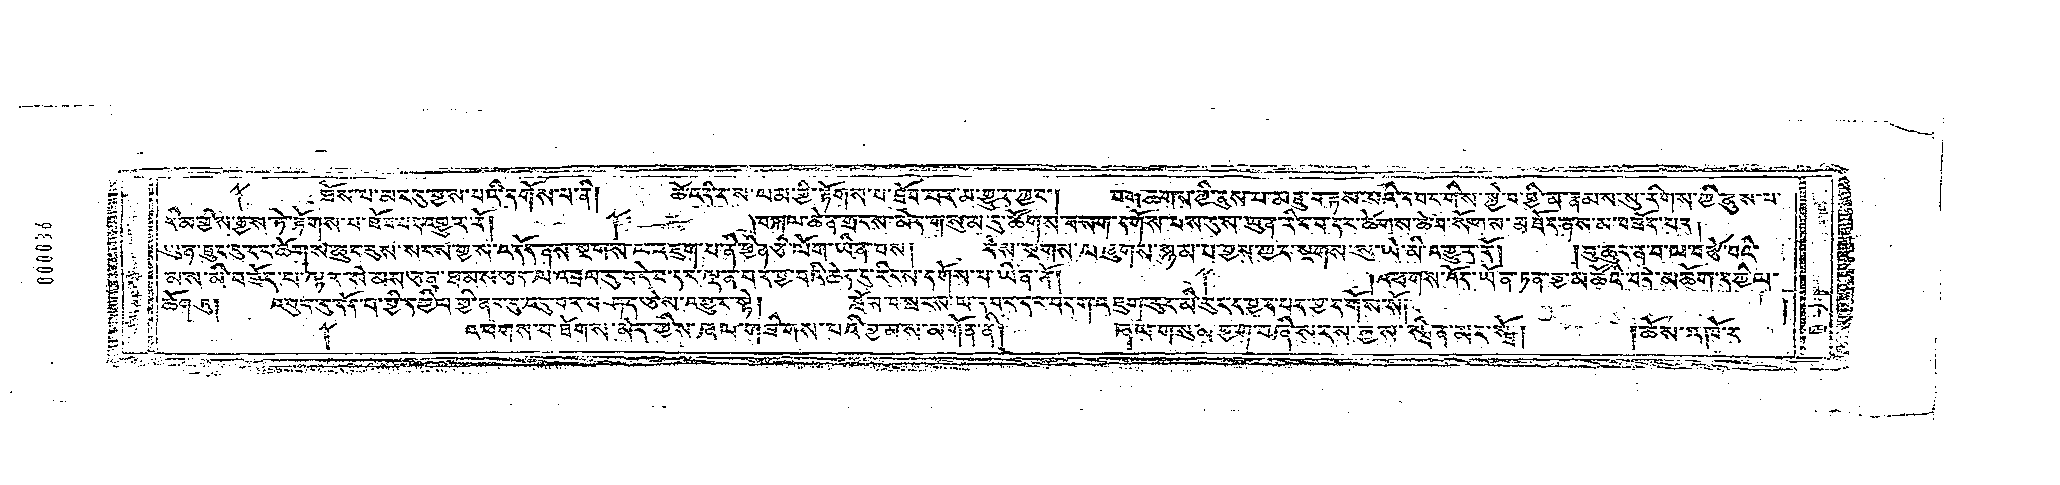༈ ཐོབ་པ་མང་དུ་བྱས་པའི་དགོས་པ་ནི། །ཚེ་འདིར་ས་ལམ་གྱི་རྟོགས་པ་ཐོབ་པར་མ་གྱུར་ཀྱང་། བག་ཆགས་ཀྱི་ནུས་པ་མཐུ་བརྟས་པའི་དབང་གིས་སྐྱེ་བ་ཕྱི་མ་རྣམས་སུ་རིགས་ཀྱི་ནུས་པ་
རིམ་གྱིས་རྒྱས་ཏེ་རྟོགས་པ་ཐོབ་པར་འགྱུར་རོ། ༈ བསྐལ་ཆེན་གྲངས་མེད་གསུམ་དུ་ཚོགས་བསག་དགོས་པས་དུས་ཡུན་རིང་བ་དང་ཚོགས་ཆེ་བ་སོགས་མཐོང་ནས་མ་བཟོད་པར།
ཡུན་ཐུང་དུ་རང་ཚོགས་ཆུང་དུས་སངས་རྒྱས་འདོད་ནས་སྔགས་ལ་འཇུག་པ་ནི་ཕྱིན་ཅི་ལོག་ཡིན་པས། ངེས་སྔགས་ལ་ཞུགས་སྙམ་པ་བྱས་ཀྱང་སྔགས་སུ་ཡི་མི་འགྱུར་རོ། །བུ་ཆུང་ན་བུ་ལ་བརྩེ་བའི་
མས་མི་བཟོད་བ་ལྟར་སེམས་ཅན་ཐམས་ཅད་ལ་འཕྲལ་དུ་བདེ་བ་དང་ལྡན་པར་བྱ་བའི་ཆེད་དུ་རིངས་དགོས་བ་ཡིན་ནོ། ། འཕག་ས་འོད་ཡོན་ཏན་རྒྱ་མཚོའི་བདེ་མཆོག་གང་ཀྱི་ལ་
ཆོག་ཏུ། འབུར་དུ་དོད་བ་ཕྱི་དཀྱིལ་ཕྱི་ནང་དུ་འདུ་བར་བཤད་ཅེས་འབྱུང་སྟེ། བློས་བསླངས་ལ་དབང་དང་བདག་འཇུག་དུད་མི་རུང་དཔྱད་པར་བྱ་དགོས་སོ། །
༈ འཕགས་པ་ཐོགས་མེད་ཀྱིས་ཞལ་གཟིགས་པའི་བྱམས་མགོན་ནི། ཞལ་གསུམ་ཕྱག་བཞི་སངས་རྒྱས་སྤྲི་ན་མང་སྦྲོ། །ཆོས་འཁོར་